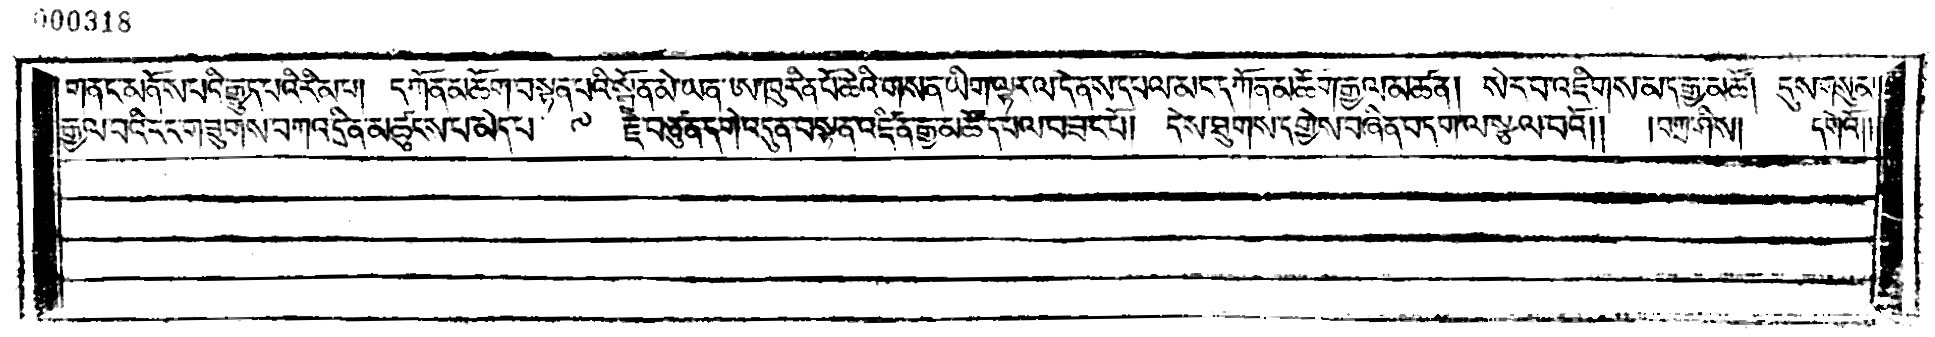གནང་མནོས་པའི་རྒྱུད་པའི་རིམ་པ། དཀོན་མཆོག་བསྟན་པའི་སྒྲོན་མེ་ཡན་ཨ་ཁུ་རིན་པོ་ཆེའི་གསན་ཡིག་ལྟར་ལ་དེ་ནས་དཔལ་མང་དཀོན་མཆོག་རྒྱལ་མཚན། སེར་བ་འཇིགས་མད་རྒྱ་མཚོ། དུས་གསུམ་
རྒྱལ་བའི་རང་གཟུགས་བཀའ་དྲིན་མཚུངས་པ་མེད་པ་༧་རྗེ་བཙུན་དགེ་འདུན་བསྟན་འཛིན་རྒྱ་མཚོ་དཔལ་བཟང་པོ། དེས་ཐུགས་དགྱེས་བཞིན་བདག་ལ་སྩལ་བའོ།། །བཀྲ་ཤིས། དགེའོ།།